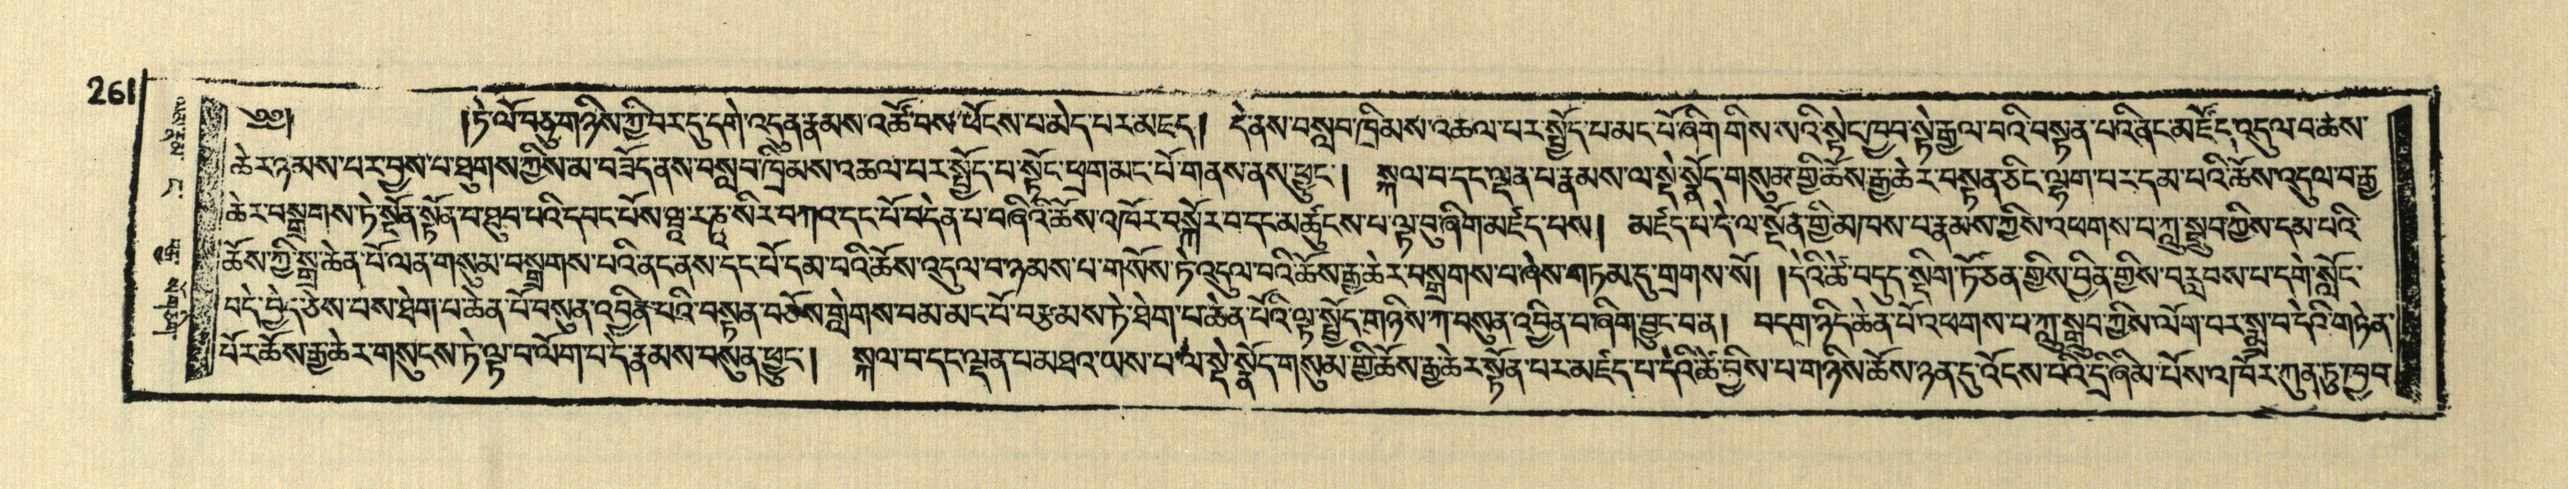༄༅། །ཏེ་ལོ་བཅུ་གཉིས་ཀྱི་བར་དུ་དགེ་འདུན་རྣམས་འཚོ་བས་ཕོངས་པ་མེད་པར་མཇད། དེ་ནས་བསླབ་ཁྲིམས་འཆལ་པར་སྤྱོད་པ་མང་པོ་ཞིག་གིས་སའི་སྟེང་ཁྱབ་སྟེ་རྒྱལ་བའི་བསྟན་པའི་ནང་མཛོད་འདུལ་བ་ཆོས་
ཆེར་ཉམས་པར་བྱས་པ་ཐུགས་ཀྱིས་མ་བཟོད་ནས་བསླབ་ཁྲིམས་འཆལ་པར་སྤྱོད་པ་སྟོང་ཕྲག་མང་པོ་གནས་ནས་ཕྱུང་། སྐལ་བ་དང་ལྡན་པ་རྣམས་ལ་སྡེ་སྣོད་གསུམ་གྱི་ཆོས་རྒྱ་ཆེར་བསྟན་ཅིང་ལྷག་པར་དམ་པའི་ཆོས་འདུལ་བ་རྒྱ་
ཆེར་བསྒྲགས་ཏེ་སྔོན་སྟོན་པ་ཐུབ་པའི་དབང་པོས་ཝཱ་ར་ཎཱ་སིར་བཀའ་དང་པོ་བདེན་པ་བཞིའི་ཆོས་འཁོར་བསྐོར་བ་དང་མཚུངས་པ་ལྟ་བུ་ཞིག་མཛད་པས། མཛད་པ་དེ་ལ་སྔོན་གྱི་མཁས་པ་རྣམས་ཀྱིས་འཕགས་པ་ཀླུ་སྒྲུབ་ཀྱིས་དམ་པའི་
ཆོས་ཀྱི་སྒྲ་ཆེན་པོ་ལན་གསུམ་བསྒྲགས་པའི་ནང་ནས་དང་པོ་དམ་བའི་ཆོས་འདུལ་བ་ཉམས་པ་གསོས་ཏེ་འདུལ་བའི་ཆོས་རྒྱ་ཆེར་བསྒྲགས་པ་ཞེས་གཏམ་དུ་གྲགས་སོ། །དེའི་ཚེ་བདུད་སྡིག་ཏོ་ཅན་གྱིས་བྱིན་གྱིས་བརླབས་པ་དགེ་སློང་
བདེ་བྱེད་ཅེས་པས་ཐེག་པ་ཆེན་པོ་བསུན་འབྱིན་པའི་བསྟན་བཅོས་གླེགས་བམ་མང་པོ་བརྩམས་ཏེ་ཐེག་པ་ཆེན་པོའི་ལྟ་སྤྱོད་གཉིས་ཀ་བསུན་འབྱིན་པ་ཞིག་བྱུང་བ་ན། བདག་ཉིད་ཆེན་པོ་འཕགས་པ་ཀླུ་སྒྲུབ་ཀྱིས་ལོག་པར་སྨྲ་བ་དེའི་གཉེན་
པོར་ཆོས་རྒྱ་ཆེར་གསུངས་ཏེ་ལྟ་བ་ལོག་པ་དེ་རྣམས་བསུན་ཕྱུང་། སྐལ་བ་དང་ལྡན་པ་མཐའ་ཡས་པ་ལ་སྡེ་སྣོད་གསུམ་གྱི་ཆོས་རྒྱ་ཆེར་སྟོན་པར་མཛད་པ་དེའི་ཚེ་བྱིས་པ་གཉིས་ཆོས་ཉན་དུ་འོངས་པའི་དྲི་ཞིམ་པོས་འཁོར་ཀུན་ཏུ་ཁྱབ་